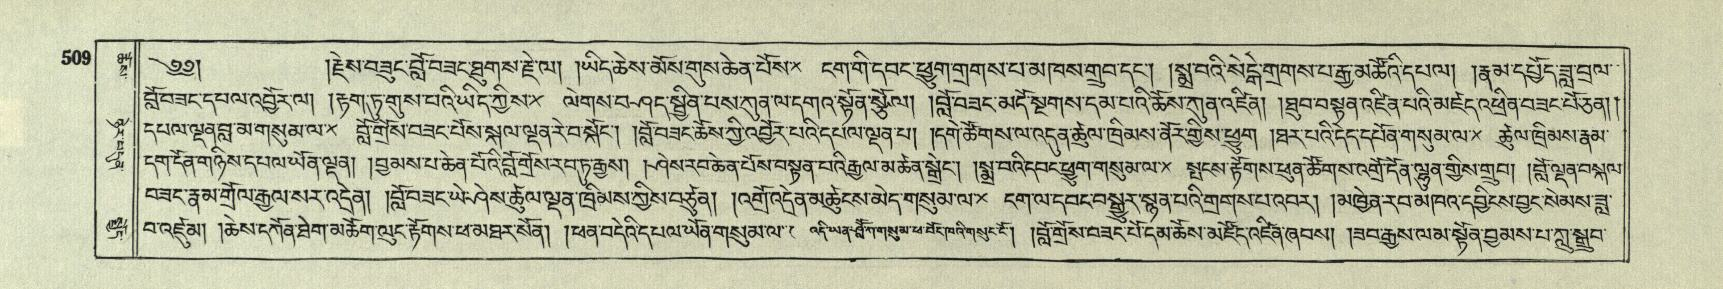༄༅། །རྗེས་བཟུང་བློ་བཟང་ཐུགས་རྗེ་ལ། །ཡིད་ཆེས་མོས་གུས་ཆེན་པོས་྾་ངག་གི་དབང་ཕྱུག་གྲགས་པ་མཁས་གྲུབ་དང་། །སྨྲ་བའི་སེངྒེ་གྲགས་པ་རྒྱ་མཚོའི་དཔལ། །རྣམ་དཔྱོད་ཟླ་བྲལ་
བློ་བཟང་དཔལ་འབྱོར་ལ། །རྟག་ཏུ་གུས་པའི་ཡིད་ཀྱིས་྾་ལེགས་བཤད་སྦྱིན་པས་ཀུན་ལ་དགའ་སྟོན་སྩོལ། །བློ་བཟང་མདོ་སྔགས་དམ་པའི་ཆོས་ཀུན་འཛིན། །ཐུབ་བསྟན་འཛིན་པའི་མཛད་འཕྲིན་བཟང་པོ་ཅན།།
དཔལ་ལྡན་བླ་མ་གསུམ་ལ་྾་བློ་གྲོས་བཟང་པོས་སྐལ་ལྡན་རེ་བ་སྐོང་། །བློ་བཟང་ཆོས་ཀྱི་འབྱོར་པའི་དཔལ་ལྡན་པ། །དགེ་ཚོགས་ལ་འདུན་ཚུལ་ཁྲིམས་ནོར་གྱིས་ཕྱུག །ཐར་པའི་དེད་དཔོན་གསུམ་ལ་྾་ཚུལ་ཁྲིམས་རྣམ་
དག་དོན་གཉིས་དཔལ་ཡོན་ལྡན། །བྱམས་པ་ཆེན་པོའི་བློ་གྲོས་རབ་ཏུ་རྒྱས། །ཤེས་རབ་ཆེན་པོས་བསྟན་པའི་རྒྱལ་མཚན་སྒྲེང་། །སྨྲ་བའི་དབང་ཕྱུག་གསུམ་ལ་྾་སྤངས་རྟོགས་ཕུན་ཚོགས་འགྲོ་དོན་ལྷུན་གྱིས་གྲུབ། །བློ་ལྡན་བསྐལ་
བཟང་རྣམ་གྲོལ་རྒྱལ་སར་འདྲེན། །བློ་བཟང་ཡེ་ཤེས་ཚུལ་ལྡན་ཁྲིམས་ཀྱིས་བཙུན། །འགྲོ་འདྲེན་མཚུངས་མེད་གསུམ་ལ་྾་ངག་ལ་དབང་བསྒྱུར་སྙན་པའི་གྲགས་པ་འབར། །མཁྱེན་རབ་མཁའ་དབྱིངས་བྱང་སེམས་ཟླ་
བ་འཛུམ། །ཆེས་དཀོན་ཐེག་མཆོག་ལུང་རྟོགས་ཕ་མཐར་སོན། །ཕན་བདེའི་དཔལ་ཡོན་གསུམ་ལ་འདི་ཡན་ཤླཽ་ཀ་གསུམ་ཕ་བོང་ཁའི་གསུང་ངོ།  །བློ་གྲོས་བཟང་པོ་དམ་ཆོས་མཛོད་འཛིན་ཞབས། །ཟབ་རྒྱས་ལམ་སྟོན་བྱམས་པ་ཀླུ་སྒྲུབ་